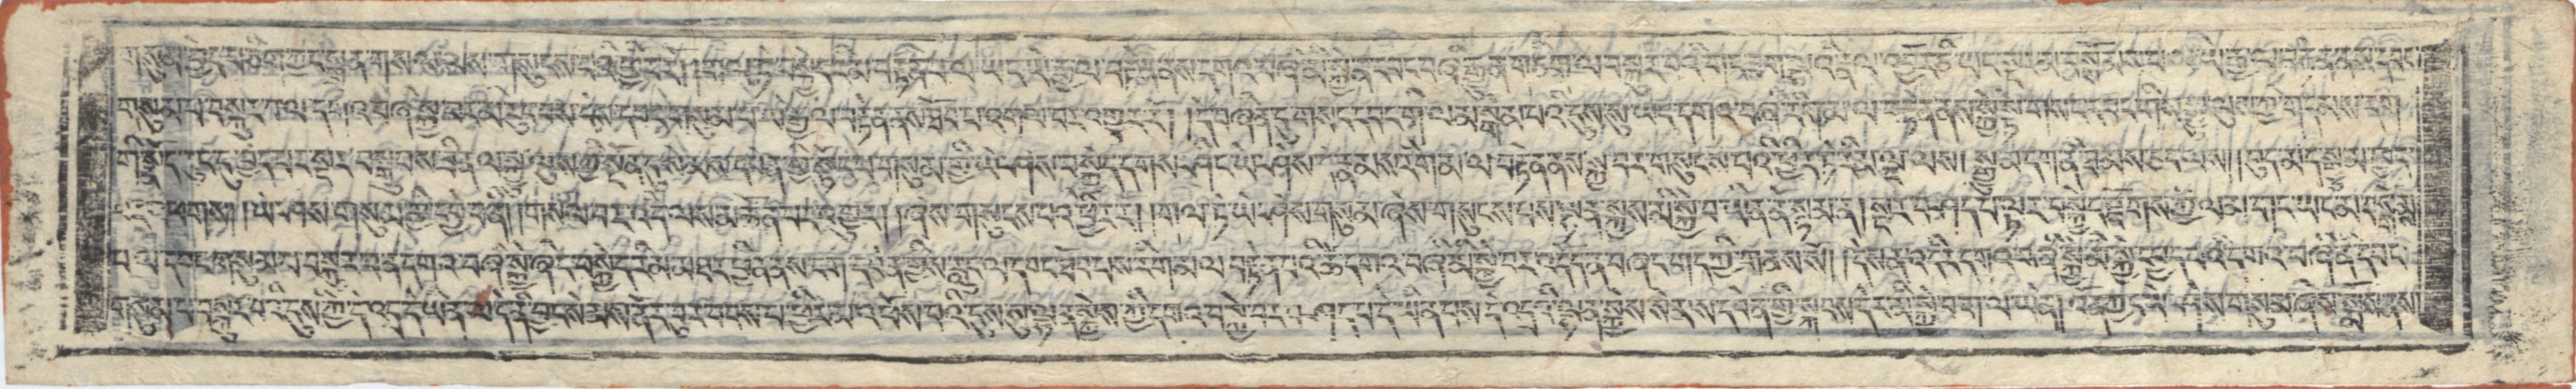གསུམ་བྱེད་པ་ཅིག་ཀྱང་སྒྲོན་གསལ་ལས་གསུངས་པའི་ཕྱིར་རོ། །གལ་ཏེ་བསྐྱེད་རིམ་བརྟན་པ་ལ་ཡང་ཡེ་རྒྱ་ལ་བརྟེན་ནས་དགའ་བཞི་མི་སྐྱེ་ན་དབང་བཞི་རྒྱུན་གཅིག་ལ་བསྐུར་བའི་གང་ཟག་ལྷའི་རྣལ་འབྱོར་ཅི་ཡང་སྔར་མ་བསྒོམས་པ་ལ་ཡེ་རྒྱ་ལ་བརྟེན་ནས་དབང་
གསུམ་པ་བསྐུར་བ་ལ་དགའ་བཞི་སྐྱ་བར་མི་རུང་བས་དེས་དབང་གསུམ་པ་ཡི་རྒྱལ་བརྟེན་ནས་ཐོབ་པ་འགལ་བར་འགྱུར་རོ། །དེ་བཞིན་དུ་གསང་དབང་གི་ལམ་སྒོམ་པའི་དུས་སུ་ཡང་དགའ་བཞི་རིག་མ་ལ་བརྟེན་ནས་སྐྱེ་སྟེ་གསང་དབང་གིས་སྒྱུར་ལུས་ཀྱི་གདམས་དག་
གི་སྣོད་རུང་དུ་བྱེད་པར་སྔར་བསྒྲུབས་ཟིན་ལ་སྒྱུ་ལུས་ཀྱི་སྔོན་དུ་སེམས་དཔེན་གྱི་སྟོང་པ་གསུམ་གྱི་ཡེ་ཤེས་བསྐྱེད་དགོས་ཤིང་ཡེ་ཤེས་དེ་རྣམས་རིག་མ་ལ་བརྟེན་ནས་སྐྱེ་བར་གསུངས་པའི་ཕྱིར་ཏེ་རིམ་ལྔ་ལས། སྒྱུ་མ་དག་ནི་ཐམས་ཅད་ལས། །བུད་མེད་སྒྱུ་མ་ཁྱད་
པར་འཕགས། །ཡེ་ཤེས་གསུམ་གྱི་དབྱེ་བ་ནི། །གསལ་བར་འདི་ལས་མཚོན་པར་འགྱུར། །ཞེས་གསུངས་པའི་ཕྱིར་རོ། །གལ་ཏེ་ཡེ་ཤེས་གསུམ་ཞེས་གསུངས་པས་ལྷན་སྐྱེས་མི་སྐྱེ་བ་ཡིན་ནོ་སྙམ་ན། སྔར་བཤད་པ་ལྟར་བསྐྱེད་རྫོགས་ཀྱི་ལམ་གང་ཡང་མང་བསྒོམས་
ལ་དབང་གསུམ་པ་བསྐུར་བ་ན་དགའ་བཞི་སྐྱེ་ཞིང་བསྐྱེད་རིམ་མཐར་ཕྱིན་ནས་ངག་དབེན་གྱིས་རླུང་ལ་དབང་ཐོབ་པས་རིག་མལ་བརྟེན་པའི་ཚེ་དགའ་བཞི་མི་སྐྱེ་བར་འདོད་ན་བཞང་གད་ཀྱི་གནས་སོ། །དེས་ན་འདིར་དགའ་བཞི་སྐྱེ་མི་སྐྱེ་དཔྱོད་པའི་དགའ་བཞི་ནི་དབང་
བུམ་པ་བསྐུར་བའི་དུས་ཀྱི་དེ་འདྲ་དེ་ཡིན་ལ་དེ་ནི་བྱང་སེམས་ནོར་བུར་བབས་པ་ཕྱིར་མ་འཕོས་པའི་དུས་སུ་ལྷན་སྐྱེས་ཀྱི་དགའ་བ་སྐྱེ་བར་བཤད་པ་དེ་ཡིན་པས་དེ་འདྲའི་ལྷན་སྐྱེས་སེམས་དབེན་གྱི་སྐབས་དེར་མི་སྐྱེ་བ་ག་ལ་ཡིན། འོན་ཀྱང་ཡེ་ཤེས་གསུམ་ཞེས་སྨོས་ནས་